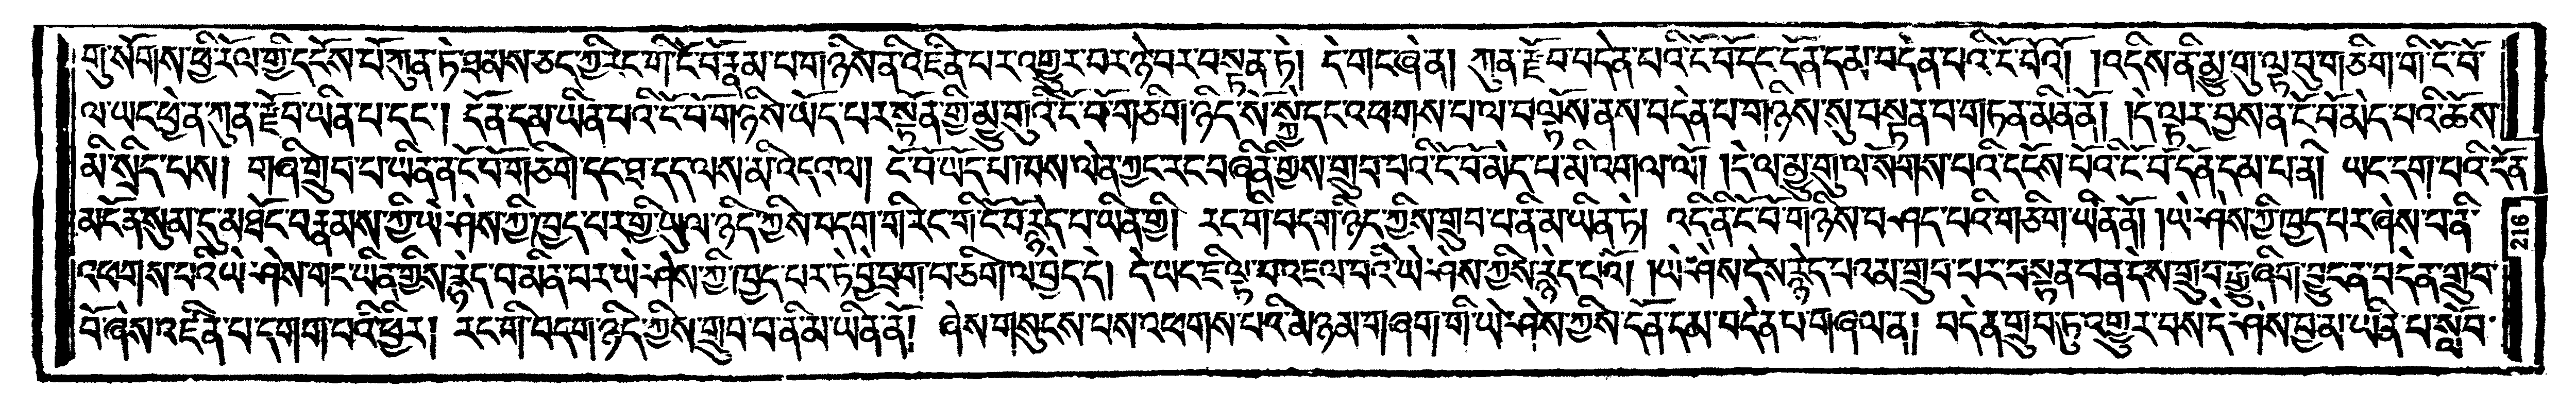གུ་སོགས་ཕྱི་རོལ་གྱི་དངོས་པོ་ཀུན་ཏེ་ཐམས་ཅད་ཀྱི་རང་གི་ངོ་བོ་རྣམ་པ་གཉིས་ནི་འཛིན་པར་འགྱུར་བར་ཉེ་བར་བསྟེན་ཏེ། དེ་གང་ཞེ་ན། ཀུན་རྫོབ་བདེན་པའི་ངོ་བོ་དང་དོན་དམ་བདེན་པའི་ངོ་བོའོ། །འདིས་ནི་མྱུ་གུ་ལྟ་བུ་གཅིག་གི་ངོ་བོ་
ལ་ཡང་ཕྱེ་ན་ཀུན་རྫོབ་ཡིན་པ་དང་། དོན་དམ་པའི་ངོ་བོ་གཉིས་ཡོད་པར་སྟོན་གྱི་མྱུ་གུའི་ངོ་བོ་གཅིག་ཉིད་སོ་སྐྱེ་དང་འཕགས་པ་ལ་བལྟོས་ནས་བདེན་པ་གཉིས་སུ་བསྟན་པ་གཏན་མིན་ནོ། །དེ་ལྟར་བྱས་ན་ངོ་བོ་མེད་པའི་ཆོས་
མི་སྲིད་པས། གཞི་གྲུབ་པ་ཡིན་ན་ངོ་བོ་གཅིག་དང་ཐ་དད་ལས་མི་འདའ་ལ། ངོ་བོ་ཡོད་པ་ཁས་ལེན་ཀྱང་རང་བཞིན་གྱིས་གྲུབ་པའི་ངོ་བོ་མེད་པ་མི་འགལ་ལོ། །དེ་ལ་མྱུ་གུ་ལ་སོགས་པའི་དངོས་པོའི་ངོ་བོ་དོན་དམ་པ་ནི། ཡང་དག་པའི་དོན་
མངོན་སུམ་དུ་མཐོང་བ་རྣམས་ཀྱི་ཡེ་ཤེས་ཀྱི་ཁྱད་པར་གྱི་ཡུལ་ཉིད་ཀྱིས་བདག་གི་རང་གི་ངོ་བོ་རྙེད་པ་ཡིན་གྱི། རང་གི་བདག་ཉིད་ཀྱིས་གྲུབ་པ་ནི་མ་ཡིན་ཏེ། འདི་ནི་ངོ་བོ་གཉིས་བཤད་པའི་གཅིག་ཡིན་ནོ། །ཡེ་ཤེས་ཀྱི་ཁྱད་པར་ཞེས་པ་ནི་
འཕགས་པའི་ཡེ་ཤེས་གང་ཡིན་གྱིས་རྙེད་པ་མིན་པར་ཡེ་ཤེས་ཀྱི་ཁྱད་པར་ཏེ་བྱེ་བྲག་པ་ཞིག་ལ་བྱེད་དེ། དེ་ཡང་ཇི་ལྟ་བ་འཇལ་བའི་ཡེ་ཤེས་ཀྱིས་རྙེད་པའོ། །ཡེ་ཤེས་དེས་རྙེད་པའམ་གྲུབ་པར་བསྟན་པ་ན་དེས་གྲུབ་རྒྱུ་ཞིག་བྱུང་ན་བདེན་གྲུབ་
བོ་ཞེས་འཛིན་པ་དགག་པའི་ཕྱིར། རང་གི་བདག་ཉིད་ཀྱིས་གྲུབ་པ་ནི་མ་ཡིན་ནོ། ཞེས་གསུངས་པས་འཕགས་པའི་མཉམ་གཞག་གི་ཡེ་ཤེས་ཀྱིས་དོན་དམ་བདེན་པ་གཞལ་ན། བདེན་གྲུབ་ཏུ་འགྱུར་བས་དེ་ཤེས་བྱ་མ་ཡིན་པ་སློབ་